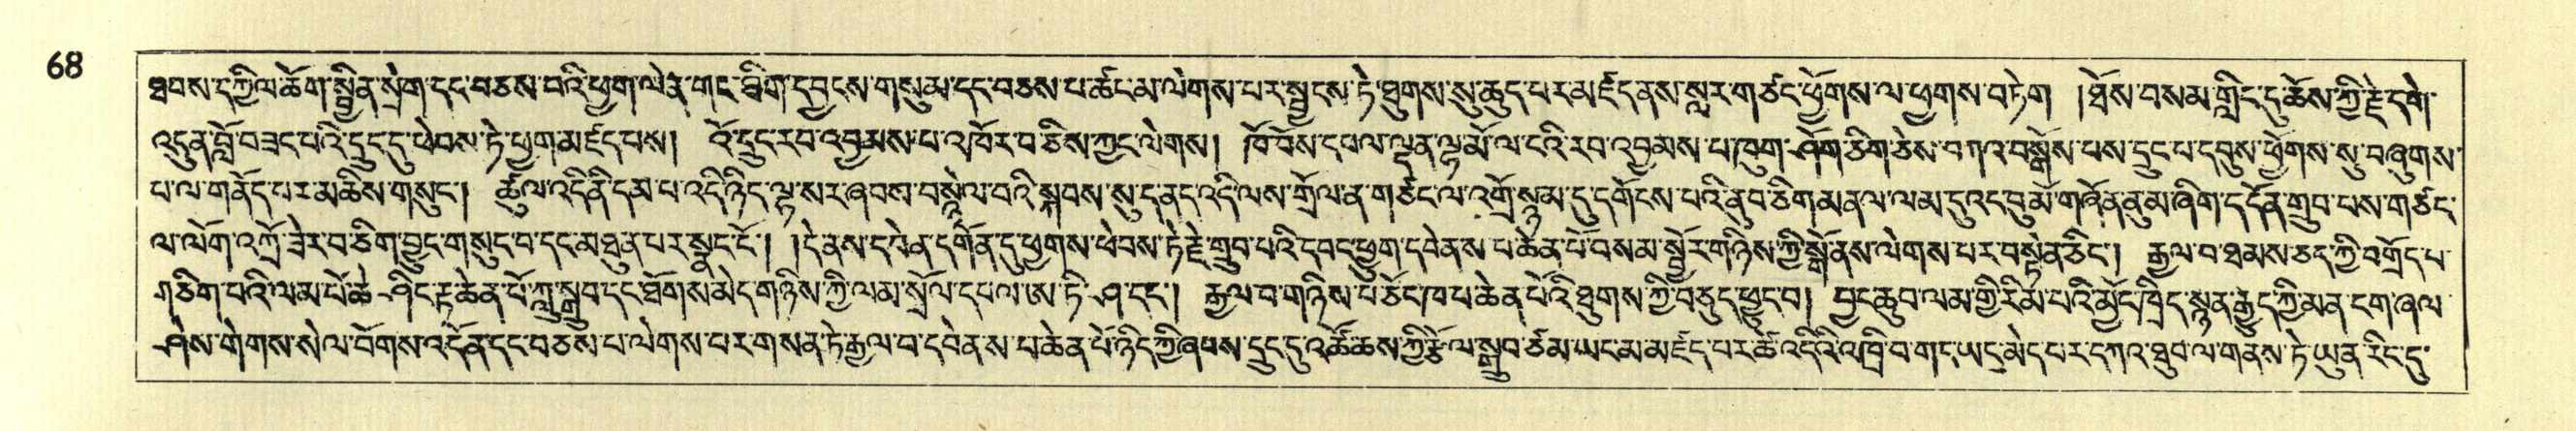ཐབས་དཀྱིལ་ཆོག་སྦྱིན་སྲེག་དང་བཅས་བའི་ཕྱག་ལེན་གང་ཐིག་དབྱངས་གསུམ་དང་བཅས་པ་ཚང་མ་ལེགས་པར་སྦྱངས་ཏེ་ཐུགས་སུ་ཆུད་པར་མཛད་ནས་སླར་གཙང་ཕྱོགས་ལ་ཕྱགས་བཏེག །ཐོས་བསམ་གླིང་དུ་ཆོས་ཀྱི་རྗེ་དགེ་
འདུན་བློ་བཟང་པའི་དྲུང་དུ་ཕེབས་ཏེ་ཕྱག་མཛད་པས། འོ་དྲུང་རབ་འབྱམས་པ་འཁོར་བ་ཅིས་ཀྱང་ལེགས། ཁོ་བོས་དཔལ་ལྡན་ལྷ་མོ་ལ་ངའི་རབ་འབྱམས་པ་ཁུག་ཤོག་ཅིག་ཅེས་བཀའ་བསྒོས་པས་དྲུང་པ་དབུས་ཕྱོགས་སུ་བཞུགས་
པ་ལ་གནོད་པར་མཆིས་གསུང་། ཚུལ་འདི་ནི་དམ་པ་འདི་ཉིད་ལྷ་སར་ཞབས་བསྙེལ་བའི་སྐབས་སུ་ད་ནད་འདི་ལས་གྲོལ་ན་གཙང་ལ་འགྲོ་སྙམ་དུ་དགོངས་པའི་ནུབ་ཅིག་མནལ་ལམ་དུའང་བུ་མོ་གཞོན་ནུ་མ་ཞིག་ད་དོན་གྲུབ་པས་གཙང་
ལ་ལོག་འགྲོ་ཟེར་བ་ཅིག་བྱུང་གསུང་བ་དང་མཐུན་པར་སྣང་ངོ། །དེ་ནས་དབེན་དགོན་དུ་ཕྱགས་ཕེབས་ཏེ་རྗེ་གྲུབ་པའི་དབང་ཕྱུག་དབེན་ས་པ་ཆེན་པོ་བསམ་སྦྱོར་གཉིས་ཀྱི་སྒོ་ནས་ལེགས་པར་བསྟེན་ཅིང་། རྒྱལ་བ་ཐམས་ཅད་ཀྱི་བགྲོད་པ་
གཅིག་པའི་ལམ་པོ་ཆེ་ཤིང་རྟ་ཆེན་པོ་ཀླུ་སྒྲུབ་དང་ཐོགས་མེད་གཉིས་ཀྱི་ལམ་སྲོལ་དཔལ་ཨ་ཏི་ཤ་དང་། རྒྱལ་བ་གཉིས་པ་ཙོང་ཁ་པ་ཆེན་པོའི་ཐུགས་ཀྱི་བཅུད་ཕྱུང་བ། བྱང་ཆུབ་ལམ་གྱི་རིམ་པའི་མྱོང་ཁྲིད་སྙན་རྒྱུད་ཀྱི་མན་ངག་ཞལ་
ཤེས་གེགས་སེལ་བོགས་འདོན་དང་བཅས་པ་ལེགས་པར་གསན་ཏེ་རྒྱལ་བ་དབེན་ས་པ་ཆེན་པོ་ཉིད་ཀྱི་ཞབས་དྲུང་དུ་འཚོ་ཆས་ཀྱི་རྩོལ་སྒྲུབ་ཙམ་ཡང་མ་མཛད་པར་ཚེ་འདིའི་འཁྲི་བ་གང་ཡང་མེད་པར་དཀའ་ཐུབ་ལ་གནས་ཏེ་ཡུན་རིང་དུ་